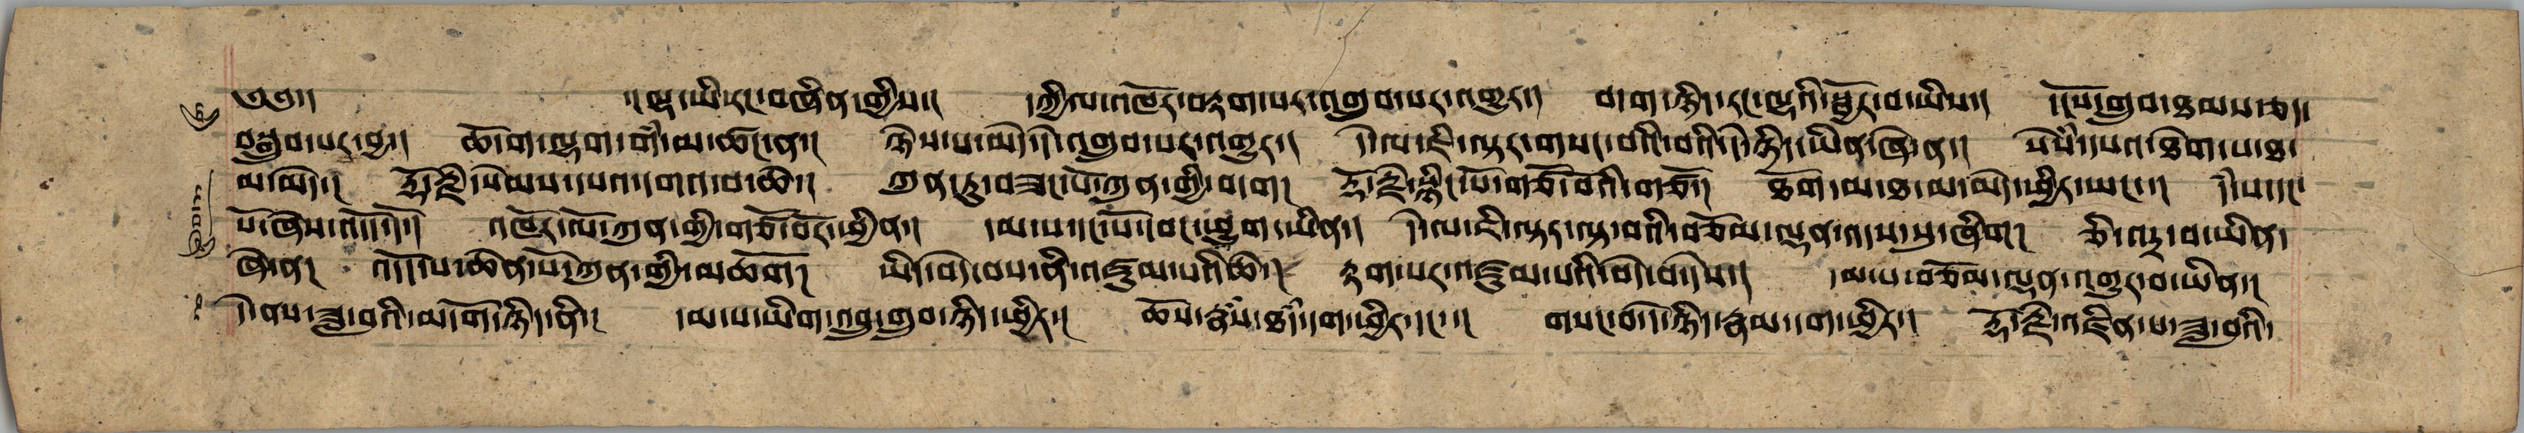༄༅་། ་།ལྷ་ཡི་རང་བཞིན་གྱིས་། དཀྱིལ་འཁོར་བརྟག་པར་འགྲུབ་པར་འགྱུར་། བདག་ཉིད་རང་ལྷའི་སྦྱོར་བ་ཡིས་། དངོས་གྲུབ་ཐམས་ཅད་
བསྒྲུབ་པར་བྱ་། ཆོ་ག་ལྷག་གཾ་མ་ཚང་ན་། ཉེས་པ་མེད་དེ་འགྲུབ་པར་འགྱུར་། དེ་ལ་ཇི་ལྟར་གསང་བའི་བའི་དེ་ཉིད་ཡིན་ཞེ་ན་། སེཾས་དཔའ་ཐེག་པ་ཐ་
མ་མེད་། རྡོ་རྗེ་སེམས་དཔའ་དགའ་བ་ཆེ་། ཀུན་ཏུ་བཟང་པོ་ཀུན་གྱི་བདག། རྡོ་རྗེ་སྙིང་པོ་གཙོ་བོའི་གཙོ་། ཐོག་མ་ཐ་མ་མེད་ཕྱིར་ཡང་་། དཾ་པ་དང་
པོ་ཞེས་འདོད་དོ་། འཁོར་ལོ་ཀུན་གྱི་གཙོ་བོར་ཕྱིན་། དམ་པ་དང་པོ་དབང་ཕྱུག་ཡིན་། དེ་ལ་ཇི་ལྟར་ལྟ་བའི་བཅོམ་ལྡན་འདས་སུ་ཞིག། ཅི་འདྲ་བ་ཡིན་
ཞེ་ན། འདོད་པ་ཆེན་པོ་ཀུན་གྱི་མཆོག། ཡིད་བདེ་བས་ནི་འཛུམ་པའི་ཆེ་། རྟག་པར་འཛུམ་པའི་བདེ་བ་དེས་། དམ་པ་བཅོམ་ལྡན་འགྱུར་བ་ཡིན་།
དེ་ནས་ཟླ་བའི་མདོག་ཉིད་ནི་། དམ་པ་ཡིག་འབྲུ་གྲུབ་ཉིད་ཕྱིར་། ཆོས་རྣཾས་ཐདཾ་དག་ཕྱིར་དང་་། གསང་བ་དེ་ཉིད་རྣམ་དག་ཕྱིར་། རྡོ་རྗེ་འཛིན་པ་ཟླ་བའི་